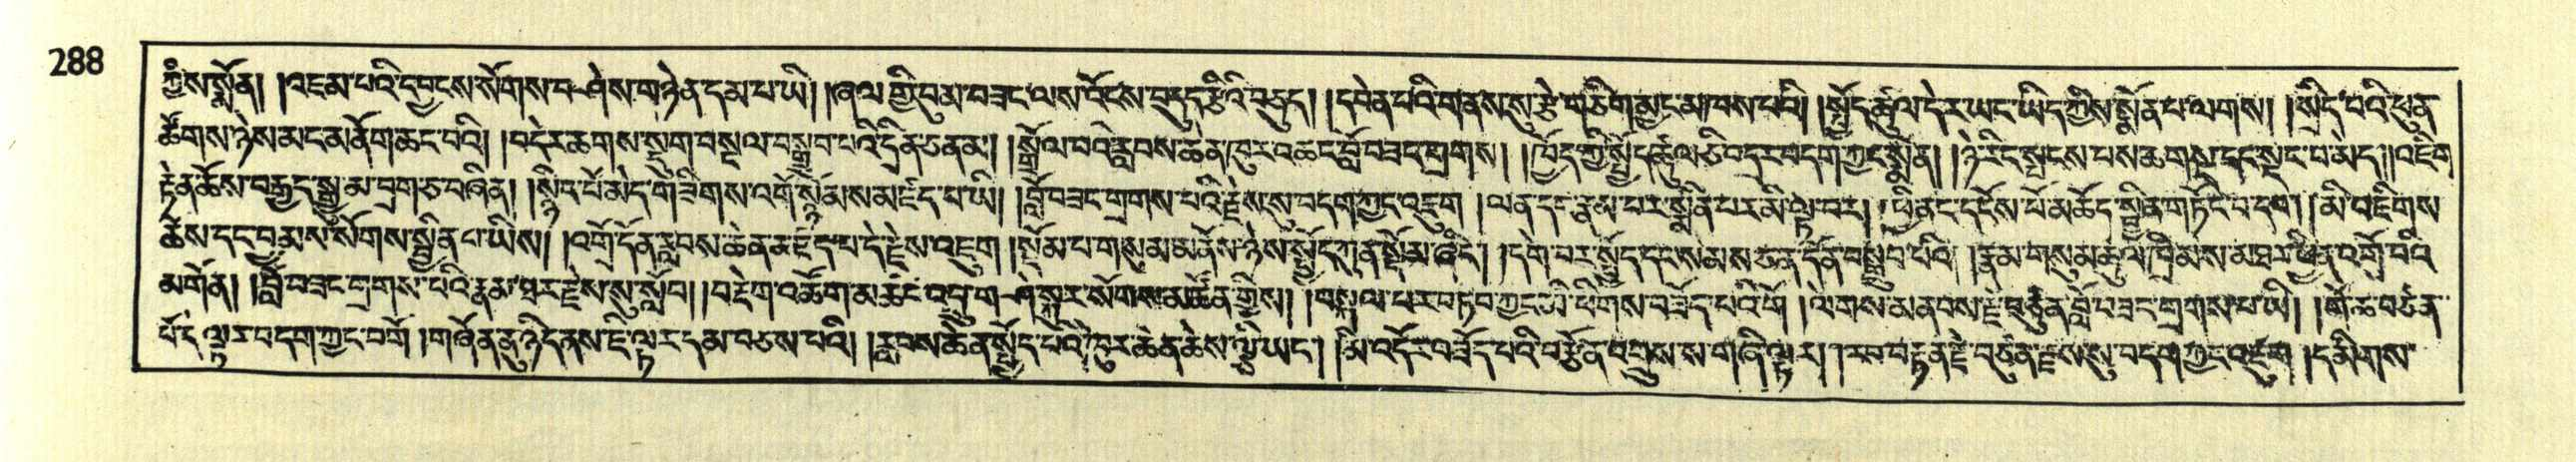ཀྱིས་སྨོན། །འཇམ་པའི་དབྱངས་སོགས་བཤེས་གཉེན་དམ་པ་ཡི། །ཞལ་གྱི་བུམ་བཟང་ལས་འོངས་བདུད་རྩིའི་བཅུད། །དབེན་པའི་གནས་སུ་རྩེ་གཅིག་མྱང་མཁས་པའི། །སྤྱོད་ཚུལ་དེར་ཡང་ཡིད་ཀྱིས་སྨོན་པ་ལགས། །སྲིད་པའི་ཕུན་
ཚོགས་ཉེས་མང་མནོག་ཆང་བའི། །བདེར་ཆགས་སྡུག་བསྔལ་བསྒྲུབ་པའི་དྲིན་ཅན་མ། །སྒྲོལ་བའི་རླབས་ཆེན་ཁུར་འཆང་བློ་བཟང་གྲགས། །ཁྱོད་ཀྱི་སྤྱོད་ཚུལ་ཅི་འདྲར་བདག་ཀྱང་སྨོན། །ཉེ་རིང་སྤངས་པས་ཆགས་སྔ་དང་སྡང་པ་མེད། །འཇིག་
རྟེན་ཆོས་བརྒྱད་སྒྱུ་མ་བྲག་ཅ་བཞིན། །སྙིང་པོ་མེད་གཟིགས་འགོ་སྙོམས་མཛད་པ་ཡི། །བློ་བཟང་གྲགས་པའི་རྗེས་སུ་བདག་ཀྱང་འཇུག །ལན་དང་རྣམ་པར་སྨིན་པར་མི་ལྟ་བར། །ཕྱི་ནང་དངོས་པོ་མཆོད་སྦྱིན་གཏོང་བ་དབ། །མི་འཇིགས་
ཆོས་དང་བྱམས་སོགས་སྦྱིན་པ་ཡིས། །འགྲོ་དོན་རླབས་ཆེན་མཛད་པ་དེ་རྗེས་འཇུག །སྡོམ་པ་གསུམ་མནོས་ཉེས་སྤྱོད་ཀུན་སྡོམ་ཞིང་། །དགེ་བར་སྤྱོད་དང་སེམས་ཅན་དོན་བསྒྲུབ་པའི། །རྣམ་གསུམ་ཚུལ་ཁྲིམས་མཐར་ཕྱིན་འགྲོ་བའི་
མགོན། །བློ་བཟང་གྲགས་པའི་རྣམ་ཐར་རྗེས་སུ་སློབ། །བརྡེག་འཆོག་མཚང་འབྲུ་གཤེ་སྐུར་སོགས་མཚོན་གྱིས་བསྐལ་པར་བཏབ་ཀྱང་ཡི་ཕིགས་བཟོད་པའི་གོ །ལེགས་མན་བས་རྗེ་བཙུན་བློ་བཟང་གྲགས་པ་ཡི། །གོ་ཆེ་བཙན་
པོ་དེ་ལྟར་བདག་ཀྱང་བགོ། །གཞོན་ནུ་ཉིད་ནས་ཇི་ལྟ་དམ་བཅས་པའི། །རླབས་ཆེན་སྤྱོད་པའི་ཁུར་ཆེན་ཆེས་ལྕི་ཡང་། །མི་འདོར་བཟོད་པའི་བརྩོན་འགྲུས་ས་གཞི་ལྟར། །རབ་བརྟན་རྗེ་བཙུན་རྫས་སུ་བདག་ཀྱང་འཛུག །དམིགས་